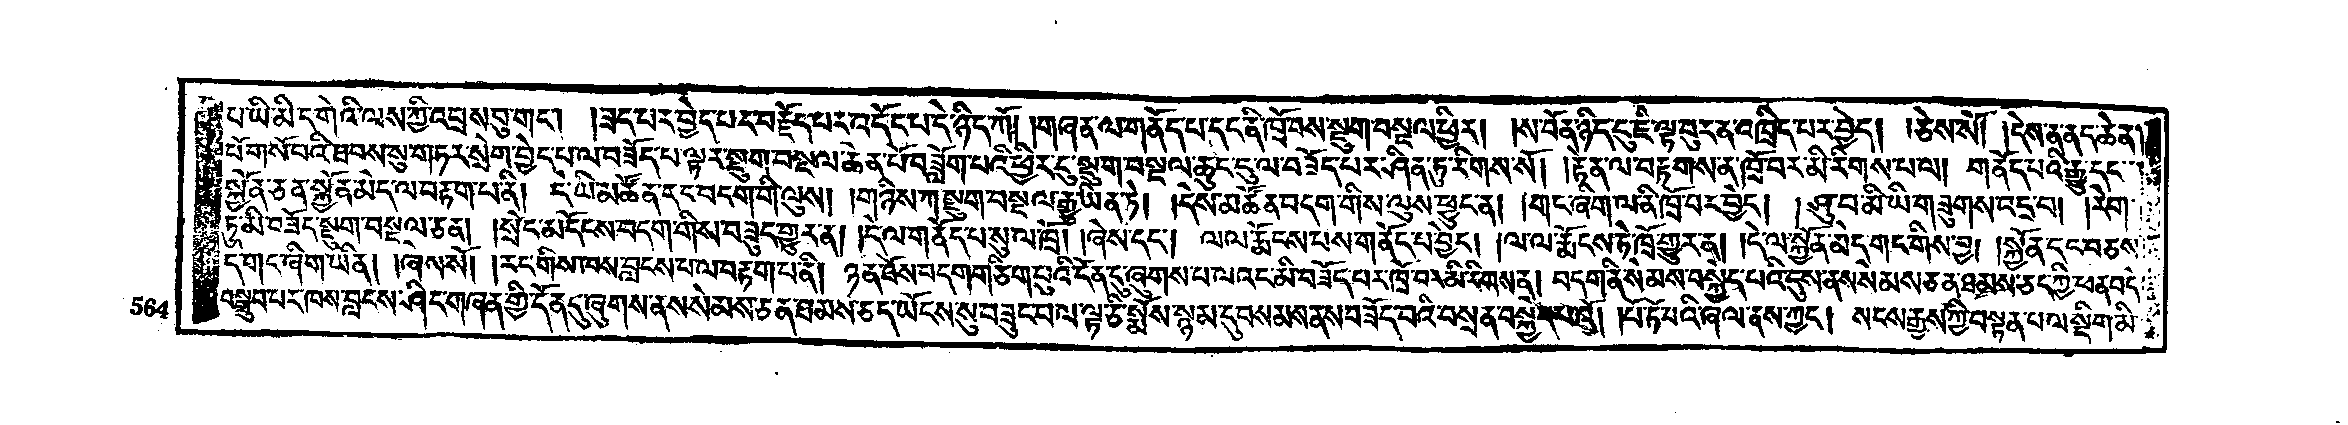པ་ཡི་མི་དགེའི་ལས་ཀྱི་འབྲས་བུ་གང་། །ཟད་པར་བྱེད་པར་བརྗོད་པར་འདོད་པ་དེ་ཉིད་ཀོ། །གཞན་ལ་གནོད་པ་དང་ནི་ཁྲོ་བས་སྡུག་བསྔལ་ཕྱིར། །ས་བོན་ཉིད་དུ་ཇི་ལྟ་བུར་ན་འཁྲིད་པར་བྱེད། །ཅེས་སོ། །དེས་ན་ནད་ཆེན་
པོ་གསོ་བའི་ཐབས་སུ་གཏར་སྲེག་བྱེད་པ་ལ་བཟོད་པ་ལྟར་སྡུག་བསྔལ་ཆེན་པོ་བཟློག་པའི་ཕྱིར་དུ་སྡུག་བསྔལ་ཆུང་ངུ་ལ་བཟོད་པར་ཤིན་ཏུ་རིགས་སོ། །རྟེན་ལ་བརྟགས་ན་ཁྲོ་བར་མི་རིགས་པ་ལ། གནོད་པའི་རྒྱུ་དང་
སྐྱོན་ཅན་སྐྱོན་མེད་ལ་བརྟག་པ་ནི། དེ་ཡི་མཚོན་དང་བདག་གི་ལུས། །གཉིས་ཀ་སྡུག་བསྔལ་རྒྱུ་ཡིན་ཏེ། །དེས་མཚོན་བདག་གིས་ལུས་ཕྱུང་ན། །གང་ཞིག་ལ་ནི་ཁྲོ་བར་བྱེད། །ཤུ་བ་མི་ཡི་གཟུགས་འདྲ་བ། །རེག་
ཏུ་མི་བཟོད་སྡུག་བསྔལ་ཅན། །སྲེད་མདོངས་བདག་གིས་བཟུང་གྱུར་ན། །དེ་ལ་གནོད་པ་སུ་ལ་ཁྲོ། །ཞེས་དང་། ལ་ལ་རྨོངས་པས་གནོད་པ་བྱེད། །ལ་ལ་རྨོངས་ཏེ་ཁྲོ་གྱུར་ན། །དེ་ལ་སྐྱོན་མེད་གང་གིས་བྱ། །སྐྱོན་དང་བཅས་
དེ་གང་ཞིག་ཡིན། །ཞེས་སོ། །རང་གིས་ཁས་བླངས་པ་ལ་བརྟག་པ་ནི། ཉན་ཐོས་བདག་གཅིག་པུའི་དོན་དུ་ཞུགས་པ་ལའང་མི་བཟོད་པར་ཁྲོ་བར་མི་རིགས་ན། བདག་ནི་སེམས་བསྐྱེད་པའི་དུས་ནས་སེམས་ཅན་ཐམས་ཅད་ཀྱི་ཕན་བདེ་
བསྒྲུབ་པར་ཁས་བླངས་ཤིང་གཞན་གྱི་དོན་དུ་ཞུགས་ནས་སེམས་ཅན་ཐམས་ཅད་ཡོངས་སུ་བཟུང་བ་ལ་ལྟ་ཅི་སྨོས་སྙམ་དུ་བསམས་ནས་བཟོད་པའི་བསྲན་བསྐྱེད་པའོ། །པོ་ཏོ་བའི་ཞལ་ནས་ཀྱང་། སངས་རྒྱས་ཀྱི་བསྟན་པ་ལ་སྡིག་མི་